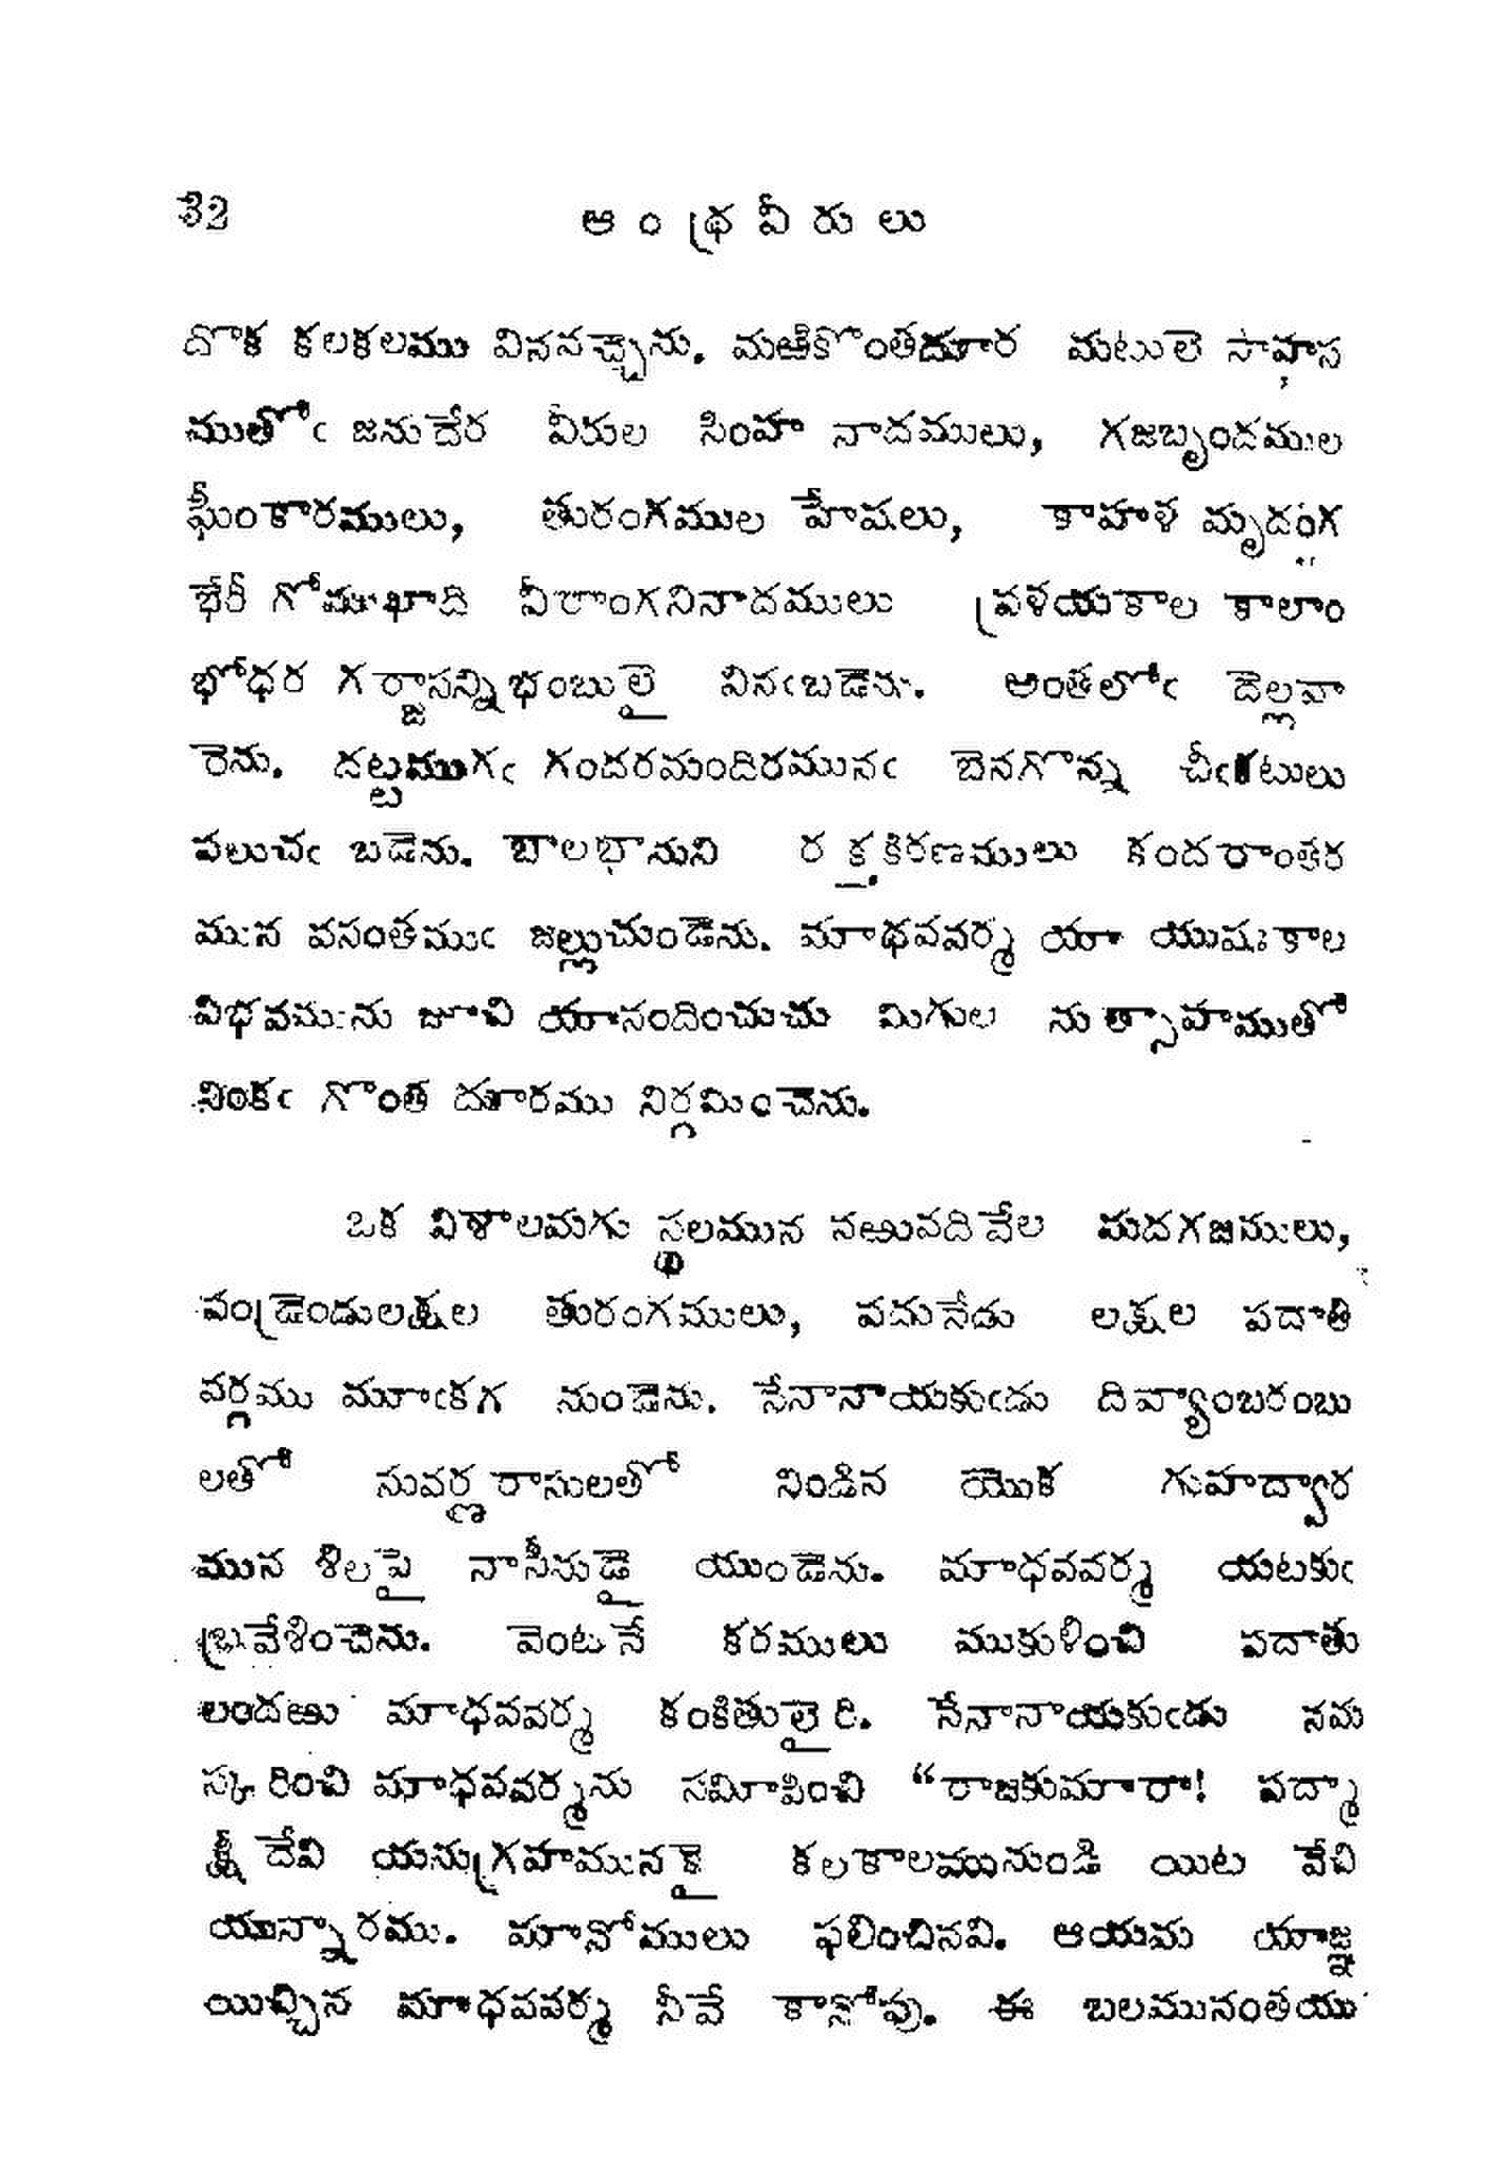దొక కలకలము వినవచ్చెను. మఱికొంతదూర మటులె సాహసముతో జనుదేర వీరుల సింహ నాదములు, గజబృందముల ఘీంకారములు, తురంగముల హేషలు, కాహళ మృదంగభేరీ గోముఖాది వీరాంగనినాదములు ప్రళయకాల కాలాంభోధర గర్జాసన్నిభంబులై వినబడెను. అంతలో దెల్లవారెను. దట్టముగ గందరమందిరమున బెనగొన్న చీకటులు పలుచబడెను. బాలభానుని రక్తకిరణములు కంద రాంతరమున వసంతము జల్లుచుండెను. మాధవవర్మ యా యమకాల విభవమును జూచి యానందించుచు మిగుల నుత్సాహముతో నింక గొంత దూరము నిర్గమించెను.

ఒక విశాలమగు స్థలమున నఱువదివేల మదగజములు, పండ్రెండులక్షల తురంగములు, పదునేడు లక్షల పదాతి వర్గము మూకగ నుండెను. సేనానాయకుడు దివ్యాంబరంబులతో సువర్ణరాసులతో నిండిన యొక గుహద్వారమున శిలపై నాసీనుడై యుండెను. మాధవవర్మ యటకు బ్రవేశించెను. వెంటనే కరములు ముకుళించి పదాతులందఱు మాధవవర్మ కంకితులైరి. సేనానాయకుడు నమస్కరించి మాధవవర్మను సమీపించి "రాజకుమారా! పద్మాక్షీదేవీ యనుగ్రహమునకై కలకాలమునుండి యిట వేచియున్నారము. మానోములు ఫలించినవి. ఆయమ యాజ్ఞ యిచ్చిన మాధవవర్మ నీవే కానోపు. ఈ బలమునంతయు